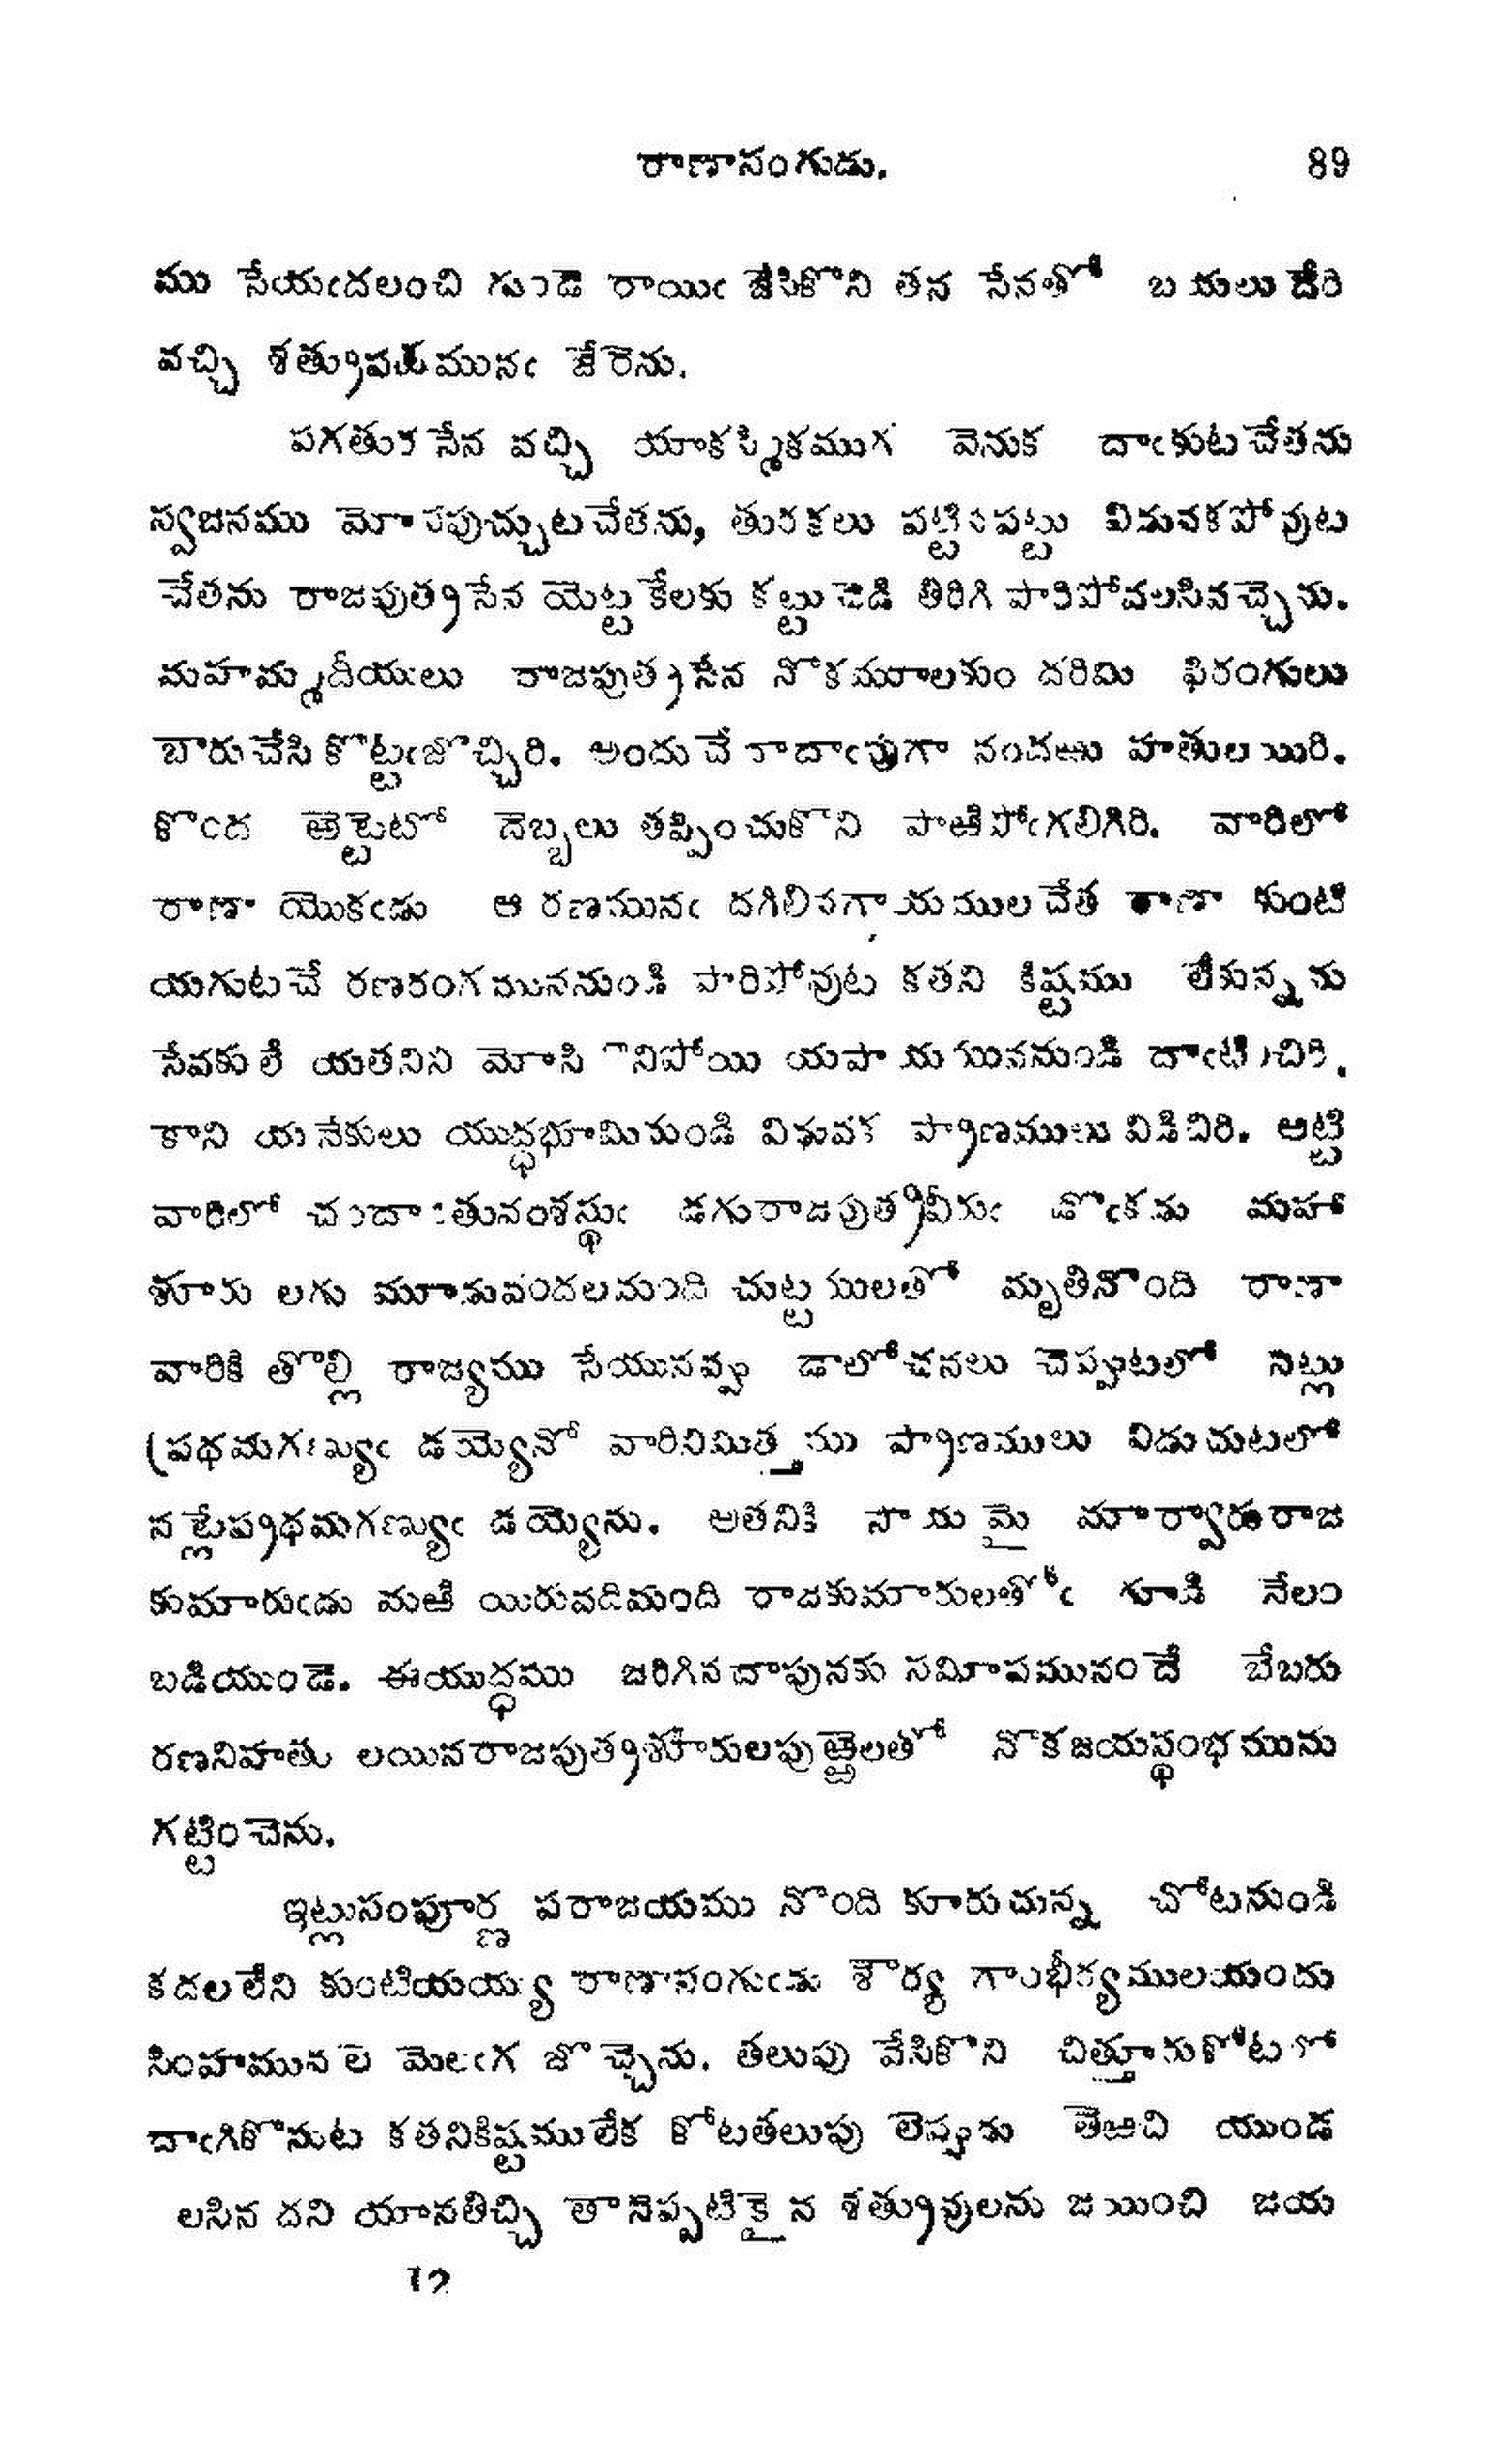ము సేయఁదలంచి గుండె రాయిఁ జేసికొని తన సేనతో బయలు దేరి వచ్చి శత్రుపక్షమునఁ జేరెను.

పగతుర, సేన వచ్చి యాకస్మికముగ వెనుక దాఁకుట చేతను స్వజనము 'మోసపుచ్చుట చేతను, తురకలు పట్టిన పట్టు విడువకపోవుట
చేతను రాజపుత్ర సేన యెట్టకేలకు కట్టుచెడి తిరిగి పారిపోవలసివచ్చెను. మహమ్మదీయులు రాజపుత్ర సేన నోక మూలకుం దరిమి ఫిరంగులు బారుచేసి కొట్టఁజొచ్చిరి. అందుచే దాదాఁపుగా నందఱు హతులయిరి. కొంద ఱెట్టెటో దెబ్బలు తప్పించుకొని పాఱి పోఁగలిగిరి. వారిలో రాణా యొకఁడు ఆ రణమునఁ దగిలినగాయముల చేత రాణా కుంటి యగుటచే రణరంగమున నుండి పారిపోవుట కతని కిష్టము లేకున్నను సేవకులే యతనిని మోసికోనిపోయి యపాయముననుండి దాఁటించిరి. కాని యనేకులు యుద్ధభూమి నుండి విడువక ప్రాణములు విడిచిరి. అట్టి వారిలో చందారతువంశస్థుఁ డగురాజపుత్ర వీరు డోఁకడు మహశూరు లగు మూడు వందల మంది చుట్టములతో మృతినొంది రాణా వారికి తొల్లి రాజ్యము సేయునప్పు డాలోచనలు చెప్పుటలో నెట్లు ప్రథమగణ్యుఁ డయ్యెనో వారినిమిత్తము ప్రాణములు విడుచుటలో నట్లే ప్రథమగణ్యుఁ డయ్యెను. అతనికి సాయమై మార్వారు రాజకుమారుఁడు మఱి యిరువది మంది రాజకుమారులతో గూడి నేలం బడియుండె. ఈ యుద్ధము జరిగిన దాపునకు సమీపమునందే బేబరు రణనిహతు లయిన రాజపుత్ర శూరులపుట్టెలతో నొక జయస్థంభమును గట్టించెను.

ఇట్లు సంపూర్ణ పరాజయము నొంది కూరుచున్న చోటనుండి కదల లేని కుంటియయ్యు రాణు సంగుఁడు శౌర్య గాంభీర్యముల యందు
సింహమువలె 'మెలఁగ జొచ్చెను. తలుపు వేసికొని చిత్తూరుకోటలో దాఁగికోనుట కతనికిష్టము లేక కోటతలుపు లెప్పుడు తెఱచి యుండ
వలసిన దని యానతిచ్చి తానెప్పటికైన శత్రువులను జయించి జయ